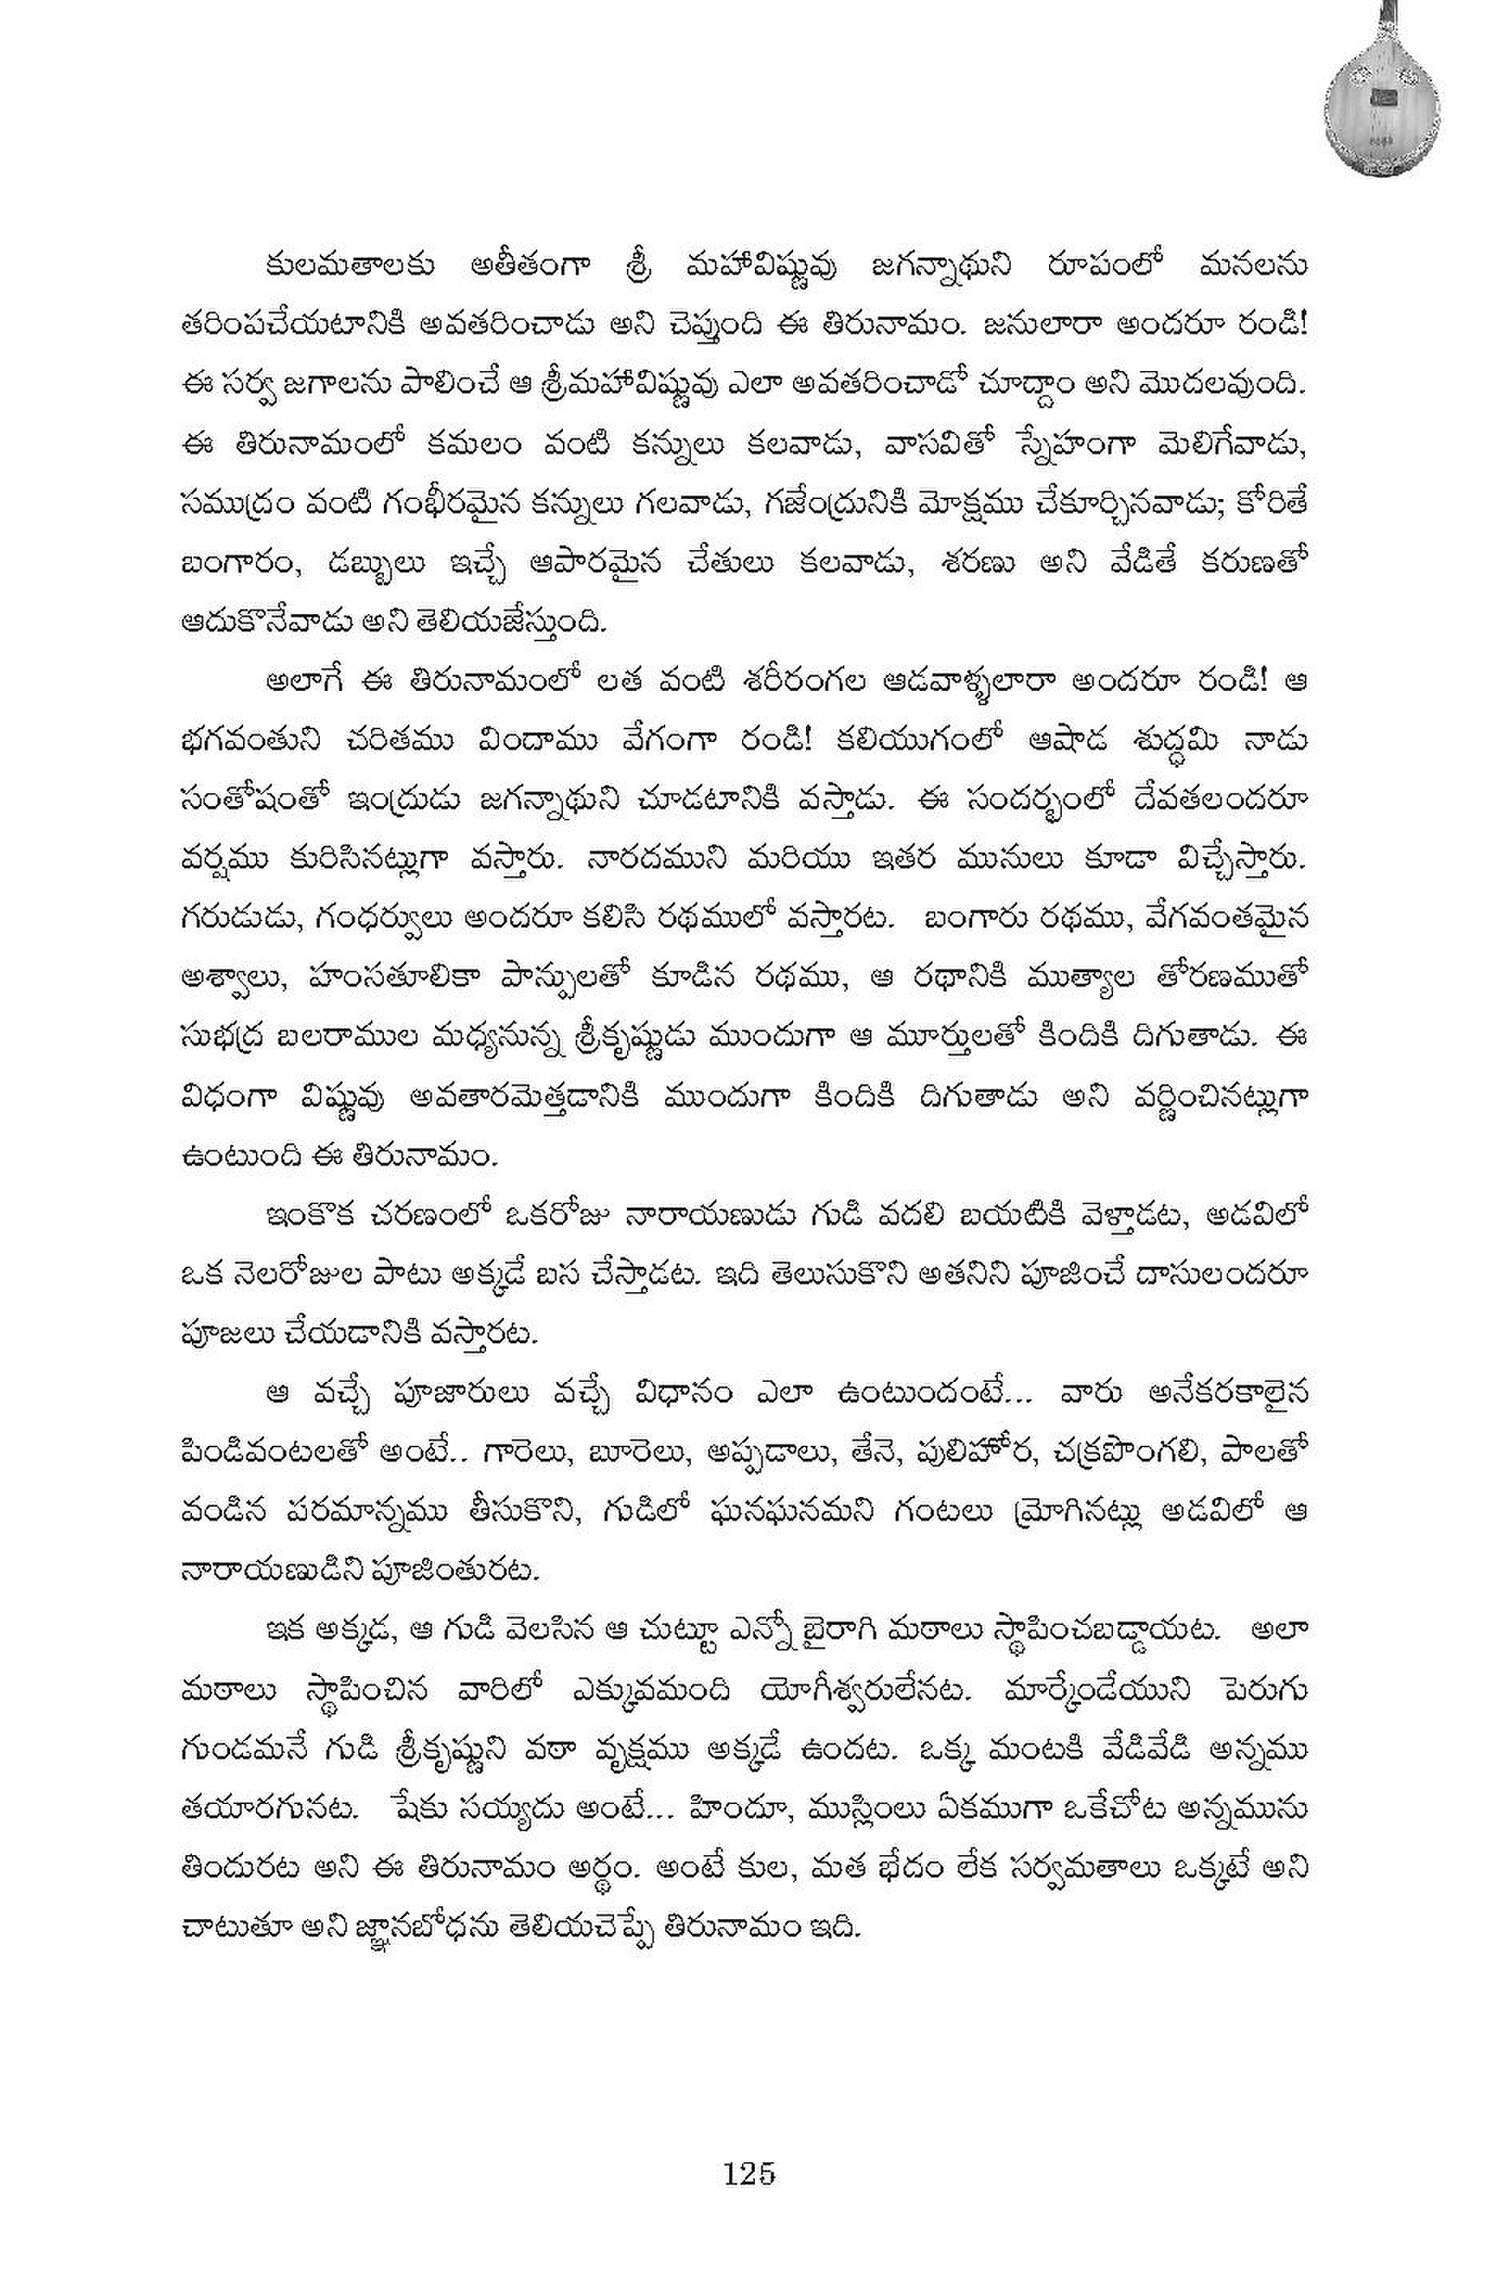కులమతాలకు అతీతంగా శ్రీ మహావిష్ణువు జగన్నాథుని రూపంలో మనలను తరింపచేయటానికి అవతరించాడు అని చెప్తుంది ఈ తిరునామం. జనులారా అందరూ రండి! ఈ సర్వ జగాలను పాలించే ఆ శ్రీమహావిష్ణువు ఎలా అవతరించాడో చూద్దాం అని మొదలవుంది. ఈ తిరునామంలో కమలం వంటి కన్నులు కలవాడు, వాసవితో స్నేహంగా మెలిగేవాడు, సముద్రం వంటి గంభీరమైన కన్నులు గలవాడు, గజేంద్రునికి మోక్షము చేకూర్చినవాడు; కోరితే బంగారం, డబ్బులు ఇచ్చే ఆపారమైన చేతులు కలవాడు, శరణు అని వేడితే కరుణతో ఆదుకొనేవాడు అని తెలియజేస్తుంది.

అలాగే ఈ తిరునామంలో లత వంటి శరీరంగల ఆడవాళ్ళలారా అందరూ రండి! ఆ భగవంతుని చరితము విందాము వేగంగా రండి! కలియుగంలో ఆషాడ శుద్ధమి నాడు సంతోషంతో ఇంద్రుడు జగన్నాథుని చూడటానికి వస్తాడు. ఈ సందర్భంలో దేవతలందరూ వర్షము కురిసినట్లుగా వస్తారు. నారదముని మరియు ఇతర మునులు కూడా విచ్చేస్తారు.
గరుడుడు, గంధర్వులు అందరూ కలిసి రథములో వస్తారట. బంగారు రథము, వేగవంతమైన అశ్వాలు, హంసతూలికా పాన్పులతో కూడిన రథము, ఆ రథానికి ముత్యాల తోరణముతో సుభద్ర బలరాముల మధ్యనున్న శ్రీకృష్ణుడు ముందుగా ఆ మూర్తులతో కిందికి దిగుతాడు. ఈ విధంగా విష్ణువు అవతారమెత్తడానికి ముందుగా కిందికి దిగుతాడు అని వర్ణించినట్లుగా
ఉంటుంది ఈ తిరునామం.

ఇంకొక చరణంలో ఒకరోజు నారాయణుడు గుడి వదలి బయటికి వెళ్తాడట, అడవిలో ఒక నెలరోజుల పాటు అక్కడే బస చేస్తాడట. ఇది తెలుసుకొని అతనిని పూజించే దాసులందరూ పూజలు చేయడానికి వస్తారట.

వచ్చే పూజారులు వచ్చే విధానం ఎలా ఉంటుందంటే... వారు అనేకరకాలైన పిండివంటలతో అంటే.. గారెలు, బూరెలు, అప్పడాలు, తేనె, పులిహోర, చక్రపొంగలి, పాలతో వండిన పరమాన్నము తీసుకొని, గుడిలో ఘనఘనమని గంటలు మ్రోగినట్లు అడవిలో నారాయణుడిని పూజింతురట.

ఇక అక్కడ, ఆ గుడి వెలసిన ఆ చుట్టూ ఎన్నో బైరాగి మఠాలు స్థాపించబడ్డాయట. అలా మఠాలు స్థాపించిన వారిలో ఎక్కువమంది యోగీశ్వరులేనట. మార్కేండేయుని పెరుగు గుండమనే గుడి శ్రీకృష్ణుని వరా వృక్షము అక్కడే ఉందట. ఒక్క మంటకి వేడివేడి అన్నము తయారగునట. షేకు సయ్యదు అంటే... హిందూ, ముస్లింలు ఏకముగా ఒకేచోట అన్నమును
తిందురట అని ఈ తిరునామం అర్థం. అంటే కుల, మత భేదం లేక సర్వమతాలు ఒక్కటే అని చాటుతూ అని జ్ఞానబోధను తెలియచెప్పే తిరునామం ఇది.